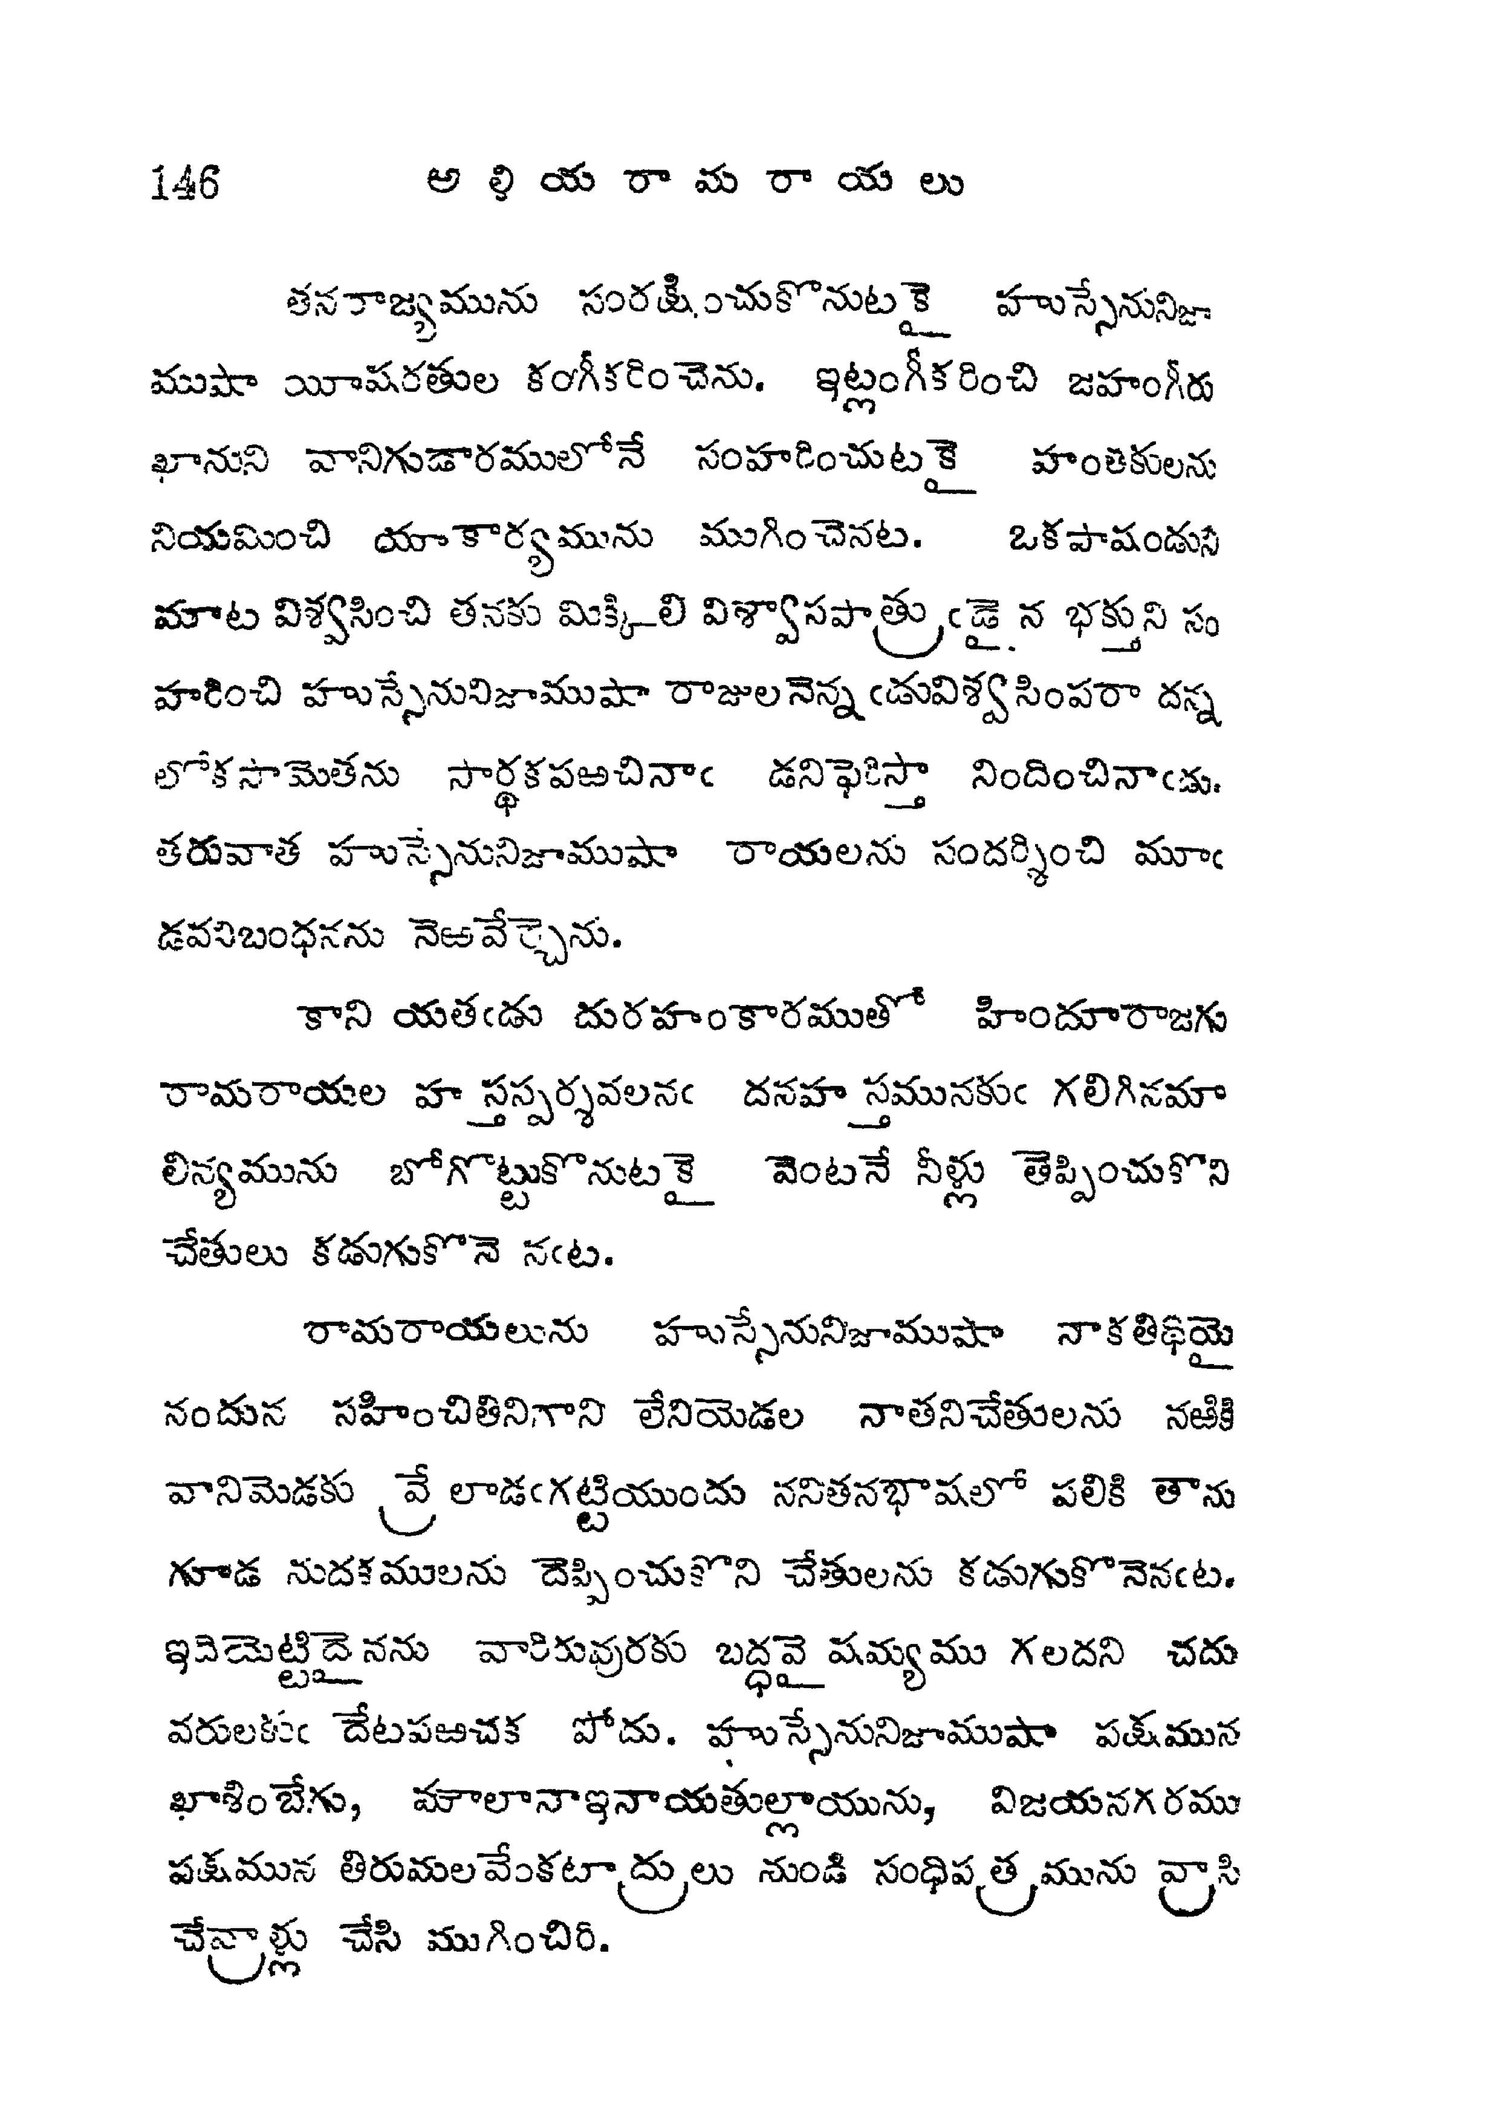తనరాజ్యమును సంరక్షించుకొనుటకై హుస్సేనునిజాముషా యీషరతుల కంగీకరించెను. ఇట్లంగీకరించి జహంగీరుఖానుని వానిగూడారములోనే సంహరించుటకై హంతకులను నియమించి యాకార్యమును ముగించెనట. ఒకపాషండుని మాట విశ్వసించి తనకు మిక్కిలి విశ్వాసపాత్రుడైన భక్తుని సంహరించి హుస్సేనునిజాముషా రాజులనెన్నడువిశ్వసింపరా దన్న లోకసామెతను సార్థకపఱచినా డనిఫెరిస్తా నిందించినాడు. తరువాత హుస్సేనునిజాముషా రాయలను సందర్శించి మూడవనిబంధనను నెఱవేర్చెను.

కాని యతడు దురహంకారముతో హిందూరాజగు రామరాయల హస్తస్పర్శవలన దనహస్తమునకు గలిగినమాలిన్యమును బోగొట్టుకొనుటకై వెంటనే నీళ్లు తెప్పించుకొని చేతులు కడుగుకొనె నట. 

రామరాయలును హుస్సేనునిజాముషా నాకతిథియైనందున సహించితినిగాని లేనియెడల నాతనిచేతులను నఱికి వానిమెడకు వ్రేలాడగట్టియుందు ననితనబాషలో పలికి తానుగూడ నుదకములను దెప్పించుకొని చేతులను కడుగుకొనెనట. ఇదియెట్టిదైనను వారిరువురకు బద్ధవైషమ్యము గలదని చదువరులకు దేటపఱచక పోదు. హుస్సేనునిజాముషా పక్షమున ఖాశింబేగు, మౌలానాఇనాయతుల్లాయును, విజయనగరము పక్షమున తిరుమలవేంకటాద్రులు నుండి సంధిపత్రమును వ్రాసి చేవ్రాళ్లు చేసి ముగించిరి.